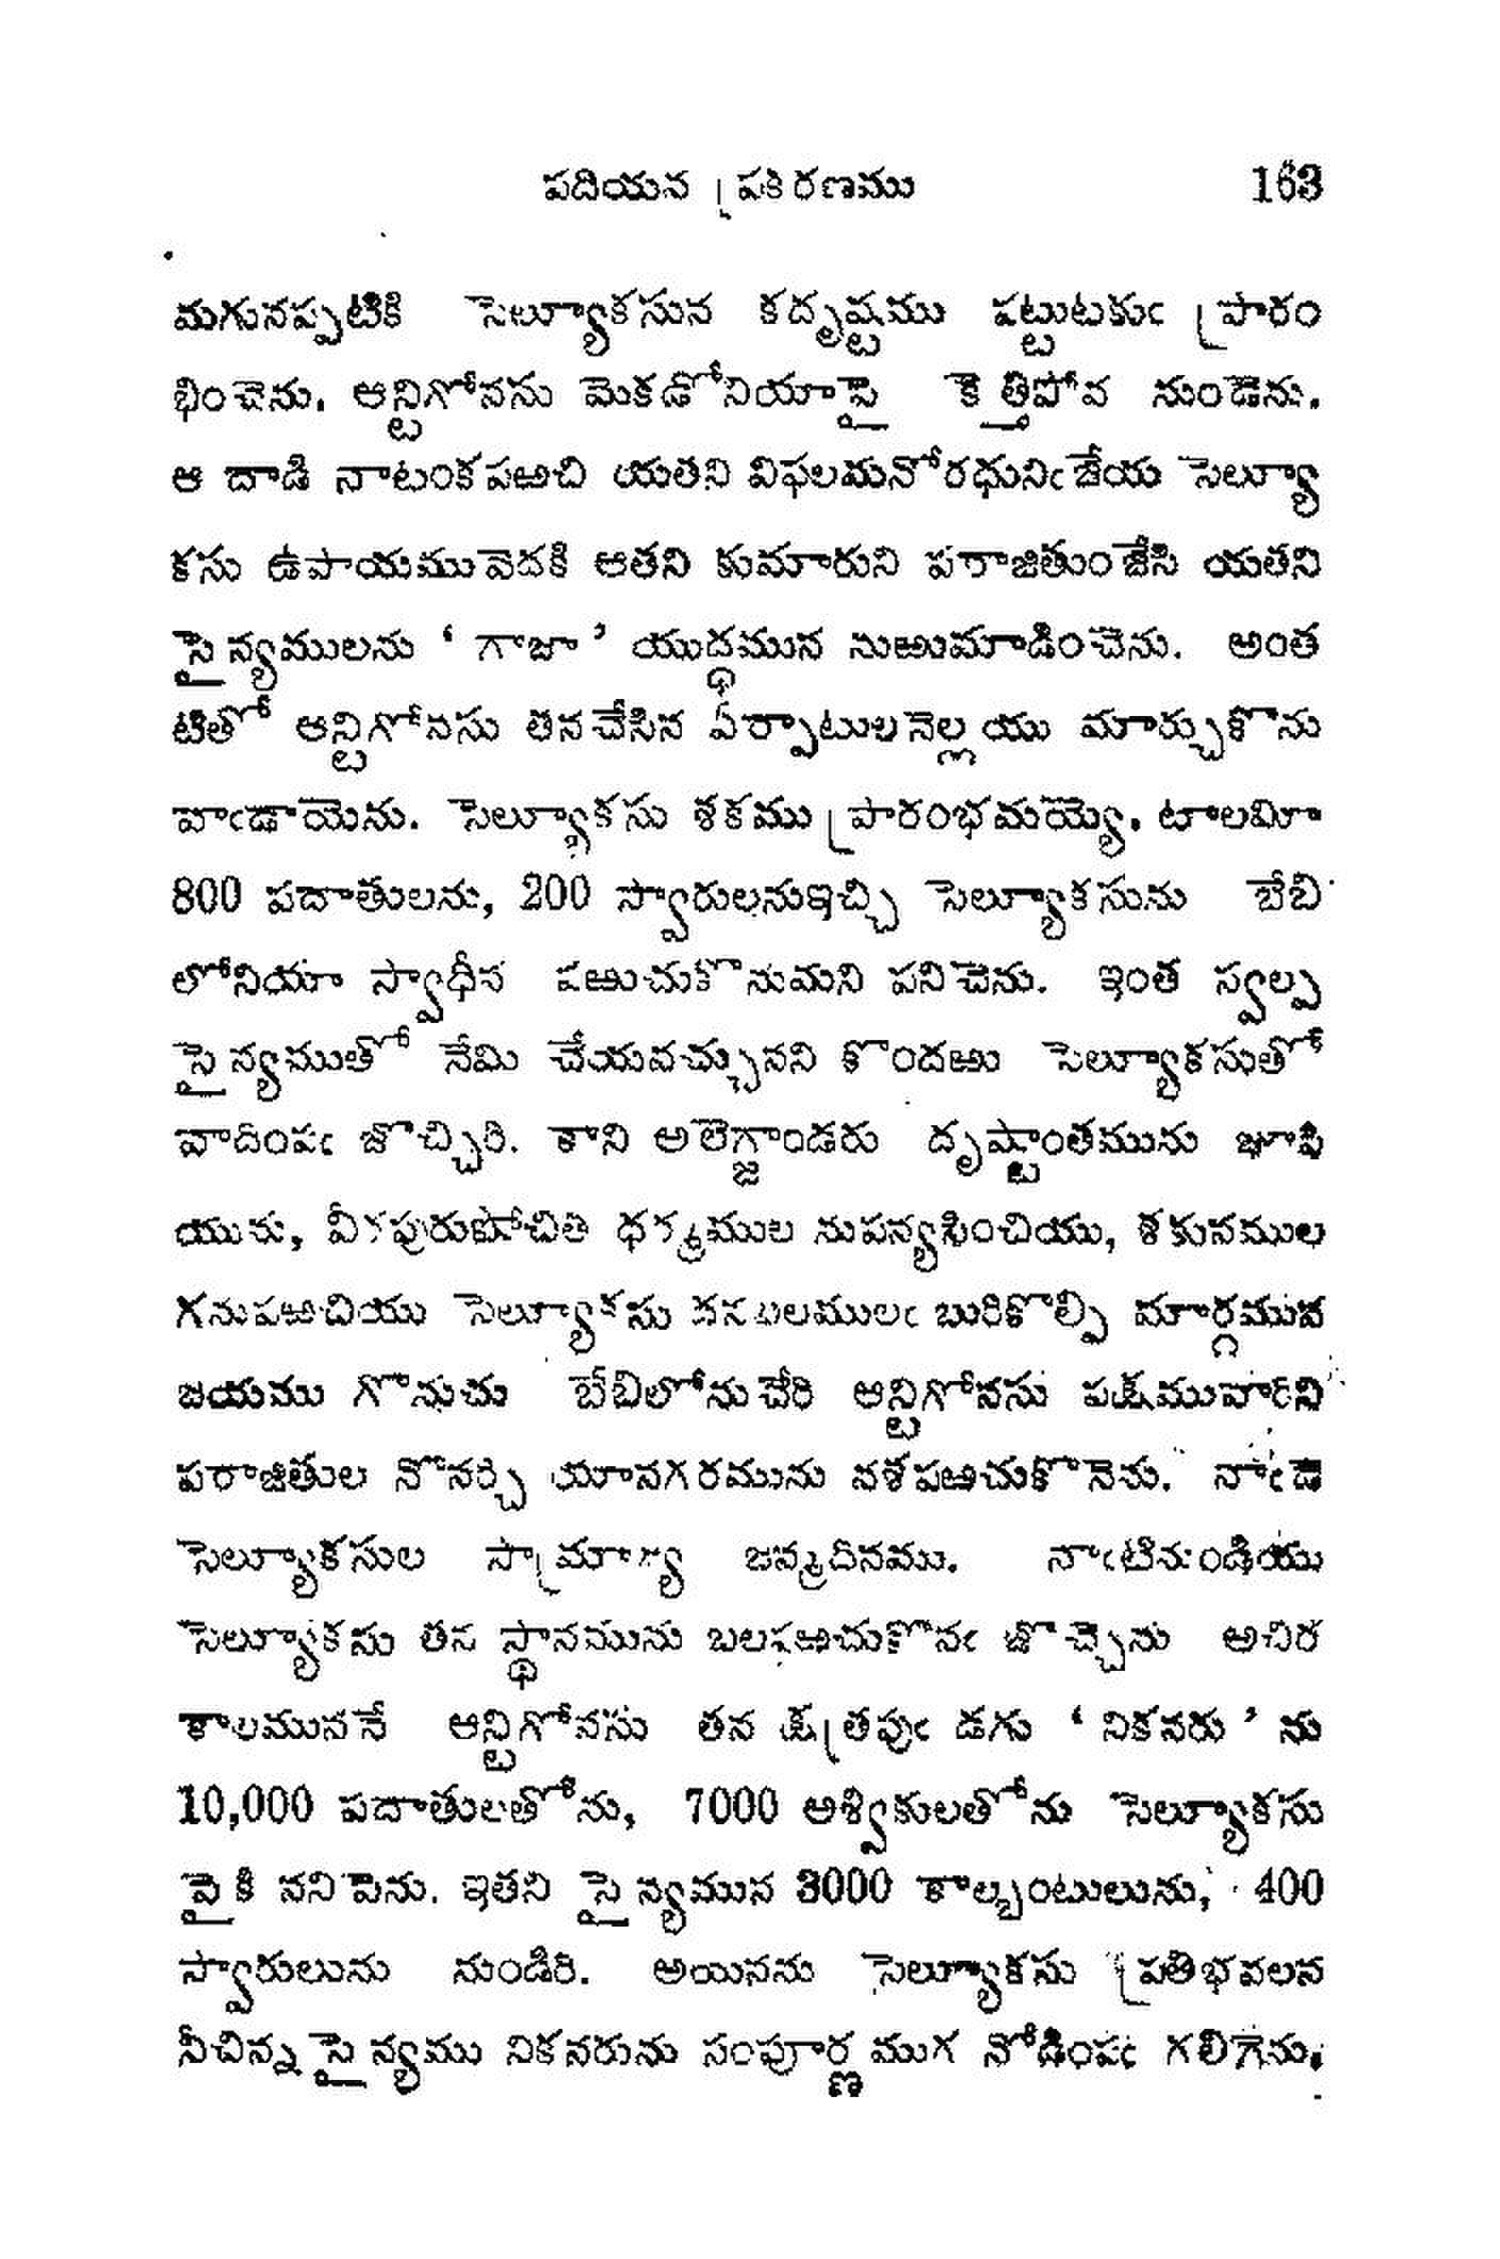మగునప్పటికి సెల్యూకసున కదృష్టము పట్టుటకుఁ ప్రారంభించెను, ఆన్టిగోనసు మెకడోనియాపై కెత్తిపోవ నుండెను. ఆ దాడి నాటంకపఱచి యతని విఫలమనోరధునిఁజేయ సెల్యూకసు ఉపాయము వెదకి ఆతని కుమారుని పరాజితుంజేసి యతని సైన్యములను 'గాజా' యుద్ధమున నుఱుమాడించెను. అంతటితో ఆన్టిగోనసు తనచేసిన ఏర్పాటుల నెల్ల యు మార్చుకొను వాఁడాయెను. సెల్యూకసు శకము ప్రారంభమయ్యె. టాలమీ 800 పదాతులను, 200 స్వారులనుఇచ్చి సెల్యూకసును బేబిలోనియా స్వాధీన పఱుచుకొనుమని పనిచెను. ఇంత స్వల్ప సైన్యముతో నేమి చేయవచ్చునని కొందఱు సెల్యూకసుతో వాదింపఁ జొచ్చిరి. కాని అలెగ్జాండరు దృష్టాంతమును జూపియును, వీరపురుపోచిత ధర్మముల నుపన్యసించియు, శకునముల గనుపఱచియు సెల్యూకసు దనబలములఁ బురికొల్పి మార్గమువ జయము గొనుచు బేబిలోను చేరి ఆన్టిగోనసు పక్షమువారిని పరాజితుల నొనర్చి యానగరమును వశపఱచుకొనెను. నాఁడె సెల్యూకసుల సామ్రాజ్య జన్మదినము. నాఁటినుండియు సెల్యూకసు తన స్థానమును బలపఱచుకొనఁ జొచ్చెను అచిర కాలముననే ఆన్టిగోనసు తన క్షత్రపుఁ డగు 'నికనరు' ను 10,000 పదాతులతోను, 7000 అశ్వికులతోను సెల్యూకసు పైకి ననిపెను. ఇతని సైన్యమున 3000 కాల్బంబులును, 400 స్వారులును నుండిరి. అయినను సెల్యూకసు ప్రతిభవలన నీ చిన్న సైన్యము నికనరును సంపూర్ణముగ నోడింపఁ గలిగెను.